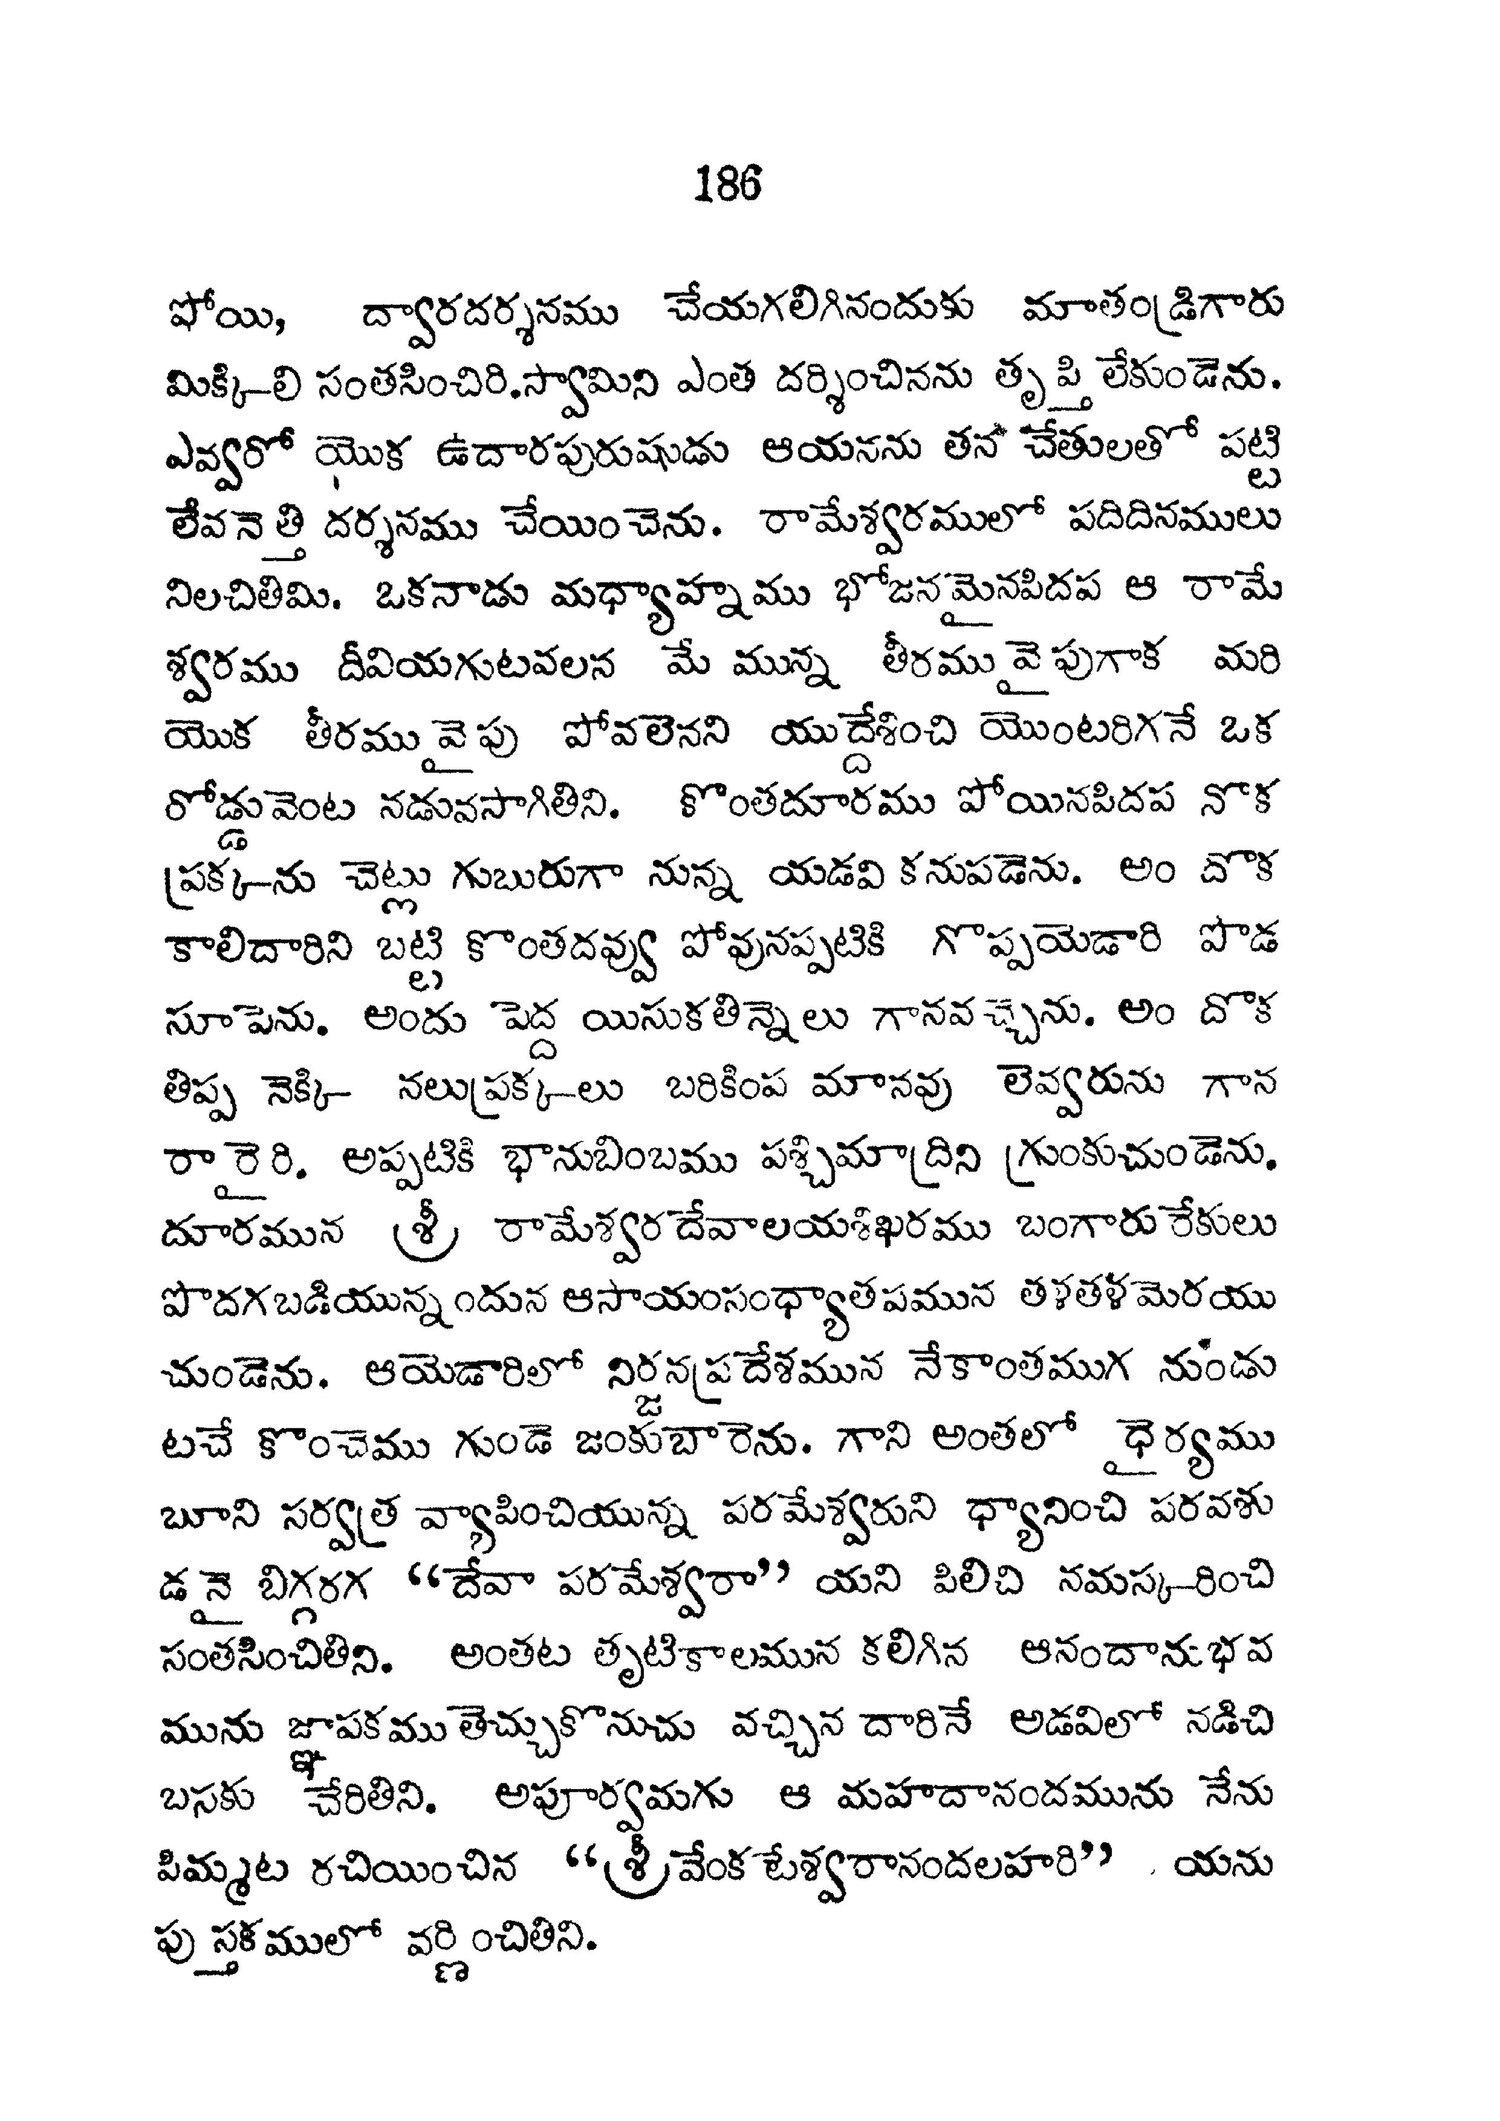పోయి, ద్వారదర్శనము చేయగలిగినందుకు మాతండ్రిగారు మిక్కిలి సంతసించిరి. స్వామిని ఎంత దర్శించినను తృప్తిలేకుండెను. ఎవ్వరో యొక ఉదారపురుషుడు ఆయనను తన చేతులతో పట్టి లేవనెత్తి దర్శనము చేయించెను. రామేశ్వరములో పదిదినములు నిలచితిమి. ఒకనాడు మధ్యాహ్నము భోజనమైనపిదప ఆ రామేశ్వరము దీవియగుటవలన మే మున్న తీరమువైపుగాక మరియొక తీరమువైపు పోవలెనని యుద్దేశించి యొంటరిగనే ఒక రోడ్డువెంట నడువసాగితిని. కొంతదూరము పోయినపిదప నొక ప్రక్కను చెట్లు గుబురుగా నున్న యడవి కనుపడెను. అం దొక కాలిదారిని బట్టి కొంతదవ్వు పోవునప్పటికి గొప్పయెడారి పొడసూపెను. అందు పెద్ద యిసుకతిన్నెలు గానవచ్చెను. అం దొక తిప్ప నెక్కి నలుప్రక్కలు బరికింప మానవు లెవ్వరును గానరారైరి. అప్పటికి భానుబింబము పశ్చిమాద్రిని గ్రుంకుచుండెను. దూరమున శ్రీ రామేశ్వరదేవాలయశిఖరము బంగారు రేకులు పొదగబడియున్నందున ఆసాయంసంధ్యాతపమున తళతళమెరయుచుండెను. ఆయెడారిలో నిర్జనప్రదేశమున నేకాంతముగ నుండుటచే కొంచెము గుండె జంకుబారెను. గాని అంతలో దైర్యము బూని సర్వత్ర వ్యాపించియున్న పరమేశ్వరుని ధ్యానించి పరవశుడనై బిగ్గరగ "దేవా పరమేశ్వరా" యని పిలిచి నమస్కరించి సంతసించితిని. అంతట తృటికాలమున కలిగిన ఆనందానుభవమును జ్ఞాపకముతెచ్చుకొనుచు వచ్చిన దారినే అడవిలో నడిచి బసకు చేరితిని. అపూర్వమగు ఆ మహదానందమును నేను పిమ్మట రచియించిన "శ్రీవేంకటేశ్వరానందలహరి" యను పుస్తకములో వర్ణించితిని.